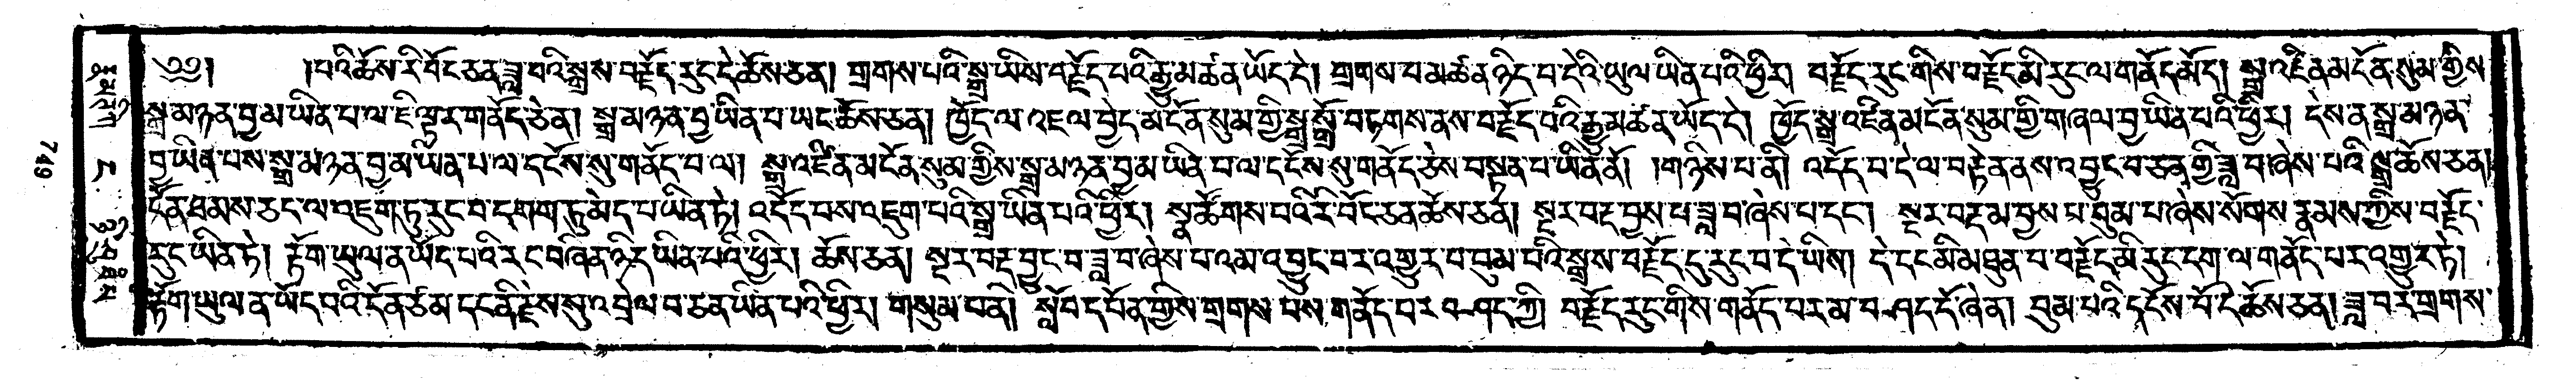༄༅། །པའི་ཆོས་རི་བོང་ཅན་ཟླ་བའི་སྒྲས་བརྗོད་རུང་དེ་ཆོས་ཅན། གྲགས་པའི་སྒྲ་ཡིས་བརྗོད་པའི་རྒྱུ་མཚན་ཡོད་དེ། གྲགས་པ་མཚན་ཉིད་བ་དེའི་ཡུལ་ཡིན་པའི་ཕྱིར། བརྗོད་རུང་གིས་བརྗོད་མི་རུང་ལ་གནོད་མོད། སྒྲ་འཛིན་མངོན་སུམ་གྱིས་
སྒྲ་གཉན་བྱ་མ་ཡིན་པ་ལ་ཇི་ལྟར་གནོད་ཅེ་ན། སྒྲ་མཉན་བྱ་ཡིན་པ་ཡང་ཆོས་ཅན། ཁྱོད་ལ་འཇལ་བྱེད་མངོན་སུམ་གྱི་སྒྲ་སྒྲོ་བཏགས་ནས་བརྗོད་པའི་རྒྱུ་མཚན་ཡོད་དེ། ཁྱོད་སྒྲ་འཛིན་མངོན་སུམ་གྱི་གཞལ་བྱ་ཡིན་པའི་ཕྱིར། དེས་ན་སྒྲ་མཉན་
བྱ་ཡིན་པས་སྒྲ་མཉན་བྱ་མ་ཡིན་པ་ལ་དངོས་སུ་གནོད་པ་ལ། སྒྲ་འཛིན་མངོན་སུམ་གྱིས་སྒྲ་མཉན་བྱ་མ་ཡིན་པ་ལ་དངོས་སུ་གནོད་ཅེས་བསྟན་པ་ཡིན་ནོ། །གཉིས་པ་ནི། འདོད་བ་དེ་ལ་བརྟེན་ནས་འབྱུང་བ་ཅན་གྱི་ཟླ་བ་ཞེས་པའི་སྒྲ་ཆོས་ཅན།
དོན་ཐམས་ཅད་ལ་འཇུག་ཏུ་རུང་བ་དགག་ཏུ་མེད་པ་ཡིན་ཏེ། འདོད་བས་འཇུག་པའི་སྒྲ་ཡིན་པའི་ཕྱིར། སྣ་ཚོགས་པའི་རི་བོང་ཅན་ཆོས་ཅན། སྔར་བརྡ་བྱས་པ་ཟླ་བ་ཞེས་པ་དང་། སྔར་བརྔ་མ་བྱས་པ་བུམ་པ་ཞེས་སོགས་རྣམས་ཀྱིས་བརྗོད་
རུང་ཡིན་ཏེ། རྟོག་ཡུལ་ན་ཡོད་པའི་རང་བཞིན་ཉིད་ཡིན་པའི་ཕྱིར། ཆོས་ཅན། སྔར་བརྡ་བྱུང་བ་ཟླ་བ་ཞེས་པའམ་འབྱུང་བར་འགྱུར་བ་བུམ་པའི་སྒྲས་བརྗོད་དུ་རུང་བ་དེ་ཡིས། དེ་དང་མི་མཐུན་པ་བརྗོད་མི་རུང་དག་ལ་གནོད་པར་འགྱུར་ཏེ།
རྟོག་ཡུལ་ན་ཡོད་བའི་དོན་ཙམ་དང་ནི་རྗེས་སུ་འབྲེལ་བ་ཅན་ཡིན་པའི་ཕྱིར། གསུམ་པ་ནི། སློབ་དཔོན་གྱིས་གྲགས་པས་གནོད་བར་བཤད་ཀྱི། བརྗོད་རུང་གིས་གནོད་པར་མ་བཤད་དོ་ཞེ་ན། བུམ་པའི་དངོས་པོ་དེ་ཆོས་ཅན། ཟླ་བར་གྲགས་